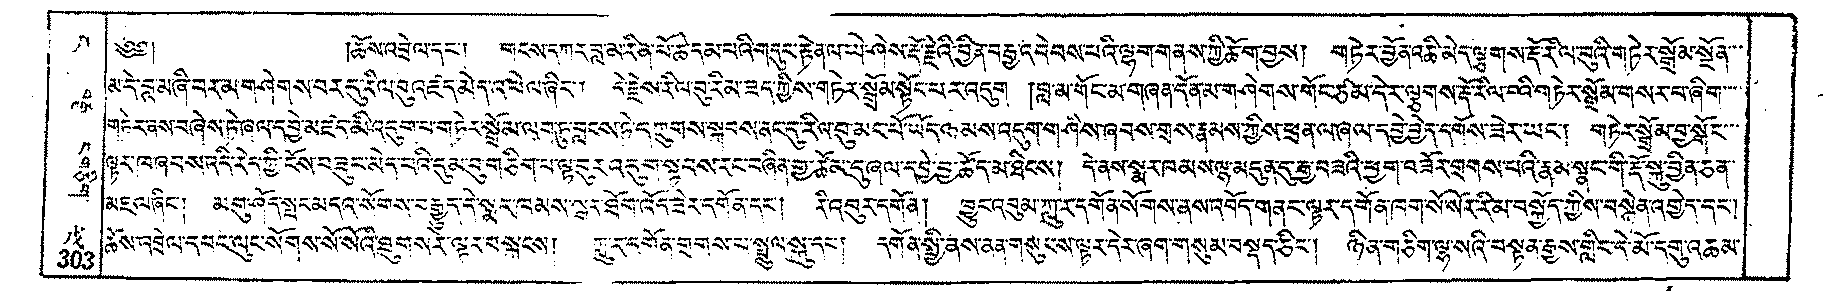༄༅། །ཆོས་འབྲེལ་དང་། གངས་དཀར་བླ་མ་རིན་པོ་ཆེ་དམ་པའི་གདུང་རྟེན་ལ་ཡེ་ཤེས་རྡོ་རྗེའི་བྱིན་བརྒྱ་འབེབས་པའི་ལྷག་གནས་ཀྱི་ཆོ་ག་བྱས། གཏེར་བྱོན་འཆི་མེད་ལྕགས་རྡོ་རིལ་བུའི་གཏེར་སྒྲོམ་སྔོན་
མ་དེ་བླ་མ་ཞི་བར་མ་གཤེགས་བར་དུ་རིལ་བུ་འཛད་མེད་འཕེལ་ཞིང་། དེ་རྗེས་རིལ་བུ་རིམ་ཟད་ཀྱིས་གཏེར་སྒྲོམ་སྟོང་པར་འདུག །བླ་མ་གོང་མ་གཞན་དོན་མ་གཤེགས་གོང་ཙམ་དེར་ལྕགས་རྡོ་རིལ་བའི་གཏེར་སྒྲོམ་གསར་པ་ཞིག་
གཏེར་ནས་བཞེས་ཏེ་ཞལ་དབྱེ་མཛད་མི་འདུག་པ་གཏེར་སྒྲོམ་ལག་ཏུ་བླངས་ཏེ་དཀྲུགས་སྐབས་ནང་དུ་རིལ་བུ་མང་པོ་ཡོད་ཉམས་འདུག་གཤིས་ཞབས་གྲས་རྣམས་ཀྱིས་ཕྲན་ལ་ཞལ་དབྱེ་བྱེད་དགོས་ཟེར་ཡང་། གཏེར་སྒྲོམ་བྱ་སྒོང་
ལྟར་ཁ་ཞབས་འདི་རེད་ཀྱི་ངོས་བཟུང་མེད་པའི་དུམ་བུ་གཅིག་པ་ལྟ་བུར་འདུག་སྟབས་རང་བཞིན་གྱ་ཚོམ་དུ་ཞལ་དབྱེ་བྱ་ཚོད་མ་ཐིངས། དེ་ནས་སྨར་ཁམས་ལྷ་མདུན་དུ་རྒྱ་བཟའི་ཕྱག་བཟོར་གྲགས་པའི་རྣམ་སྣང་གི་རྡོ་སྐུ་བྱིན་ཅན་
མཇལ་ཞིང་། མགུ་ཤོད་སྤང་མདའ་སོགས་བརྒྱུད་དེ་སྨར་ཁམས་སྒར་ཐོག་འོད་ཟེར་དགོན་དང་། རི་འབུར་དགོན། ཁྱུང་འབུམ་ཀླུ་ར་དགོན་སོགས་ནས་འབོད་གནང་ལྟར་དགོན་ཁག་སོ་སོར་རིམ་བསྐྱོད་ཀྱིས་བསྙེན་འགྱེད་དང་།
ཆོས་འབྲེལ་དབང་ལུང་སོགས་སོ་སོའི་ཐུགས་རེ་ལྟར་བསྐངས། ཀླུ་ར་དགོན་གྲགས་པ་སྤྲུལ་སྐུ་དང་། དགོན་སྤྱི་ནས་ནན་གསུངས་ལྟར་དེར་ཞག་གསུམ་བསྡད་ཅིང་། ཉིན་གཅིག་ལྷ་སའི་བསྟན་རྒྱས་གླིང་དེ་མོ་དགུ་འཆམ་